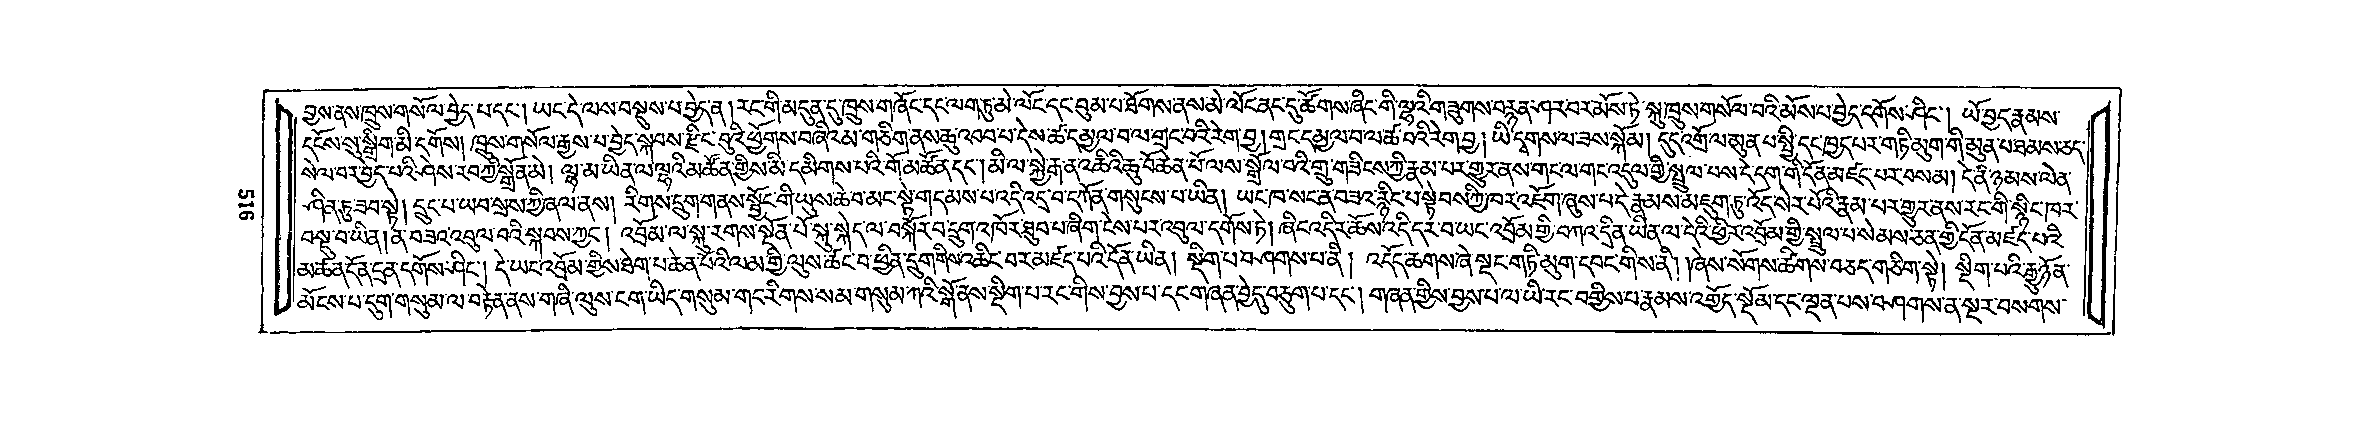བྱས་ནས་ཁྲུས་གསོལ་བྱེད་པ་དང་། ཡང་དེ་ལས་བསྡུས་པ་བྱེད་ན། རང་གི་མདུན་དུ་ཁྲུས་གཞོང་དང་ལག་ཏུ་མེ་ལོང་དང་བུམ་པ་ཐོགས་ནས་མེ་ལོང་ནང་དུ་ཚོགས་ཞིང་གི་ལྷའི་གཟུགས་བརྙན་ཤར་བར་མོས་ཏེ་སྐུ་ཁྲུས་གསོལ་བའི་མོས་པ་བྱེད་དགོས་ཤིང་། ཡོ་བྱད་རྣམས་
དངོས་སུ་སྒྲིག་མི་དགོས། ཁྲུས་གསོལ་རྒྱས་པ་བྱེད་སྐབས་རྫིང་བུའི་ཕྱོགས་བཞིའམ་གཅིག་ནས་ཆུ་འབབ་པ་དེས་ཚ་དམྱལ་བ་ལ་གྲང་བའི་རེག་བྱ། གྲང་དམྱལ་བ་ལ་ཚ་བའི་རེག་བྱ། ཡི་དྭགས་ལ་ཟས་སྐོམ། དུད་འགྲོ་ལ་མུན་པ་སྤྱི་དང་ཁྱད་པར་གཏི་མུག་གི་མུན་པ་ཐམས་ཅད་
སེལ་བར་བྱེད་པའི་ཤེས་རབ་ཀྱི་སྒྲོན་མེ། ལྷ་མ་ཡིན་ལ་ལྷའི་མཚོན་གྱིས་མི་དམིགས་པའི་གོ་མཚོན་དང་། མི་ལ་སྐྱེ་རྒ་ན་འཆིའི་ཆུ་བོ་ཆེན་པོ་ལས་སྒྲོལ་བའི་གྲུ་གཟིངས་ཀྱི་རྣམ་པར་གྱུར་ནས་གང་ལ་གང་འདུལ་གྱི་སྤྲུལ་པས་དེ་དག་གི་དོན་མཛད་པར་བསམ། དེ་ནི་ཉམས་ལེན་
ཤིན་ཏུ་ཟབ་སྟེ། དྲུང་པ་ཡབ་སྲས་ཀྱི་ཞལ་ནས། རིགས་དྲུག་གནས་སྦྱོང་གི་ཡུས་ཆེ་བ་མང་སྟེ་གདམས་པ་འདི་འདྲ་བ་དཀོན་གསུངས་པ་ཡིན། ཡང་ཁ་སང་ན་བཟའ་རྙིང་པ་སྟེབས་ཀྱི་ཁར་འཇོག་ཞུས་པ་དེ་རྣམས་མཇུག་ཏུ་འོད་སེར་པོའི་རྣམ་པར་གྱུར་ནས་རང་གི་སྙིང་ཁར་
བསྡུ་བ་ཡིན། ན་བཟའ་འབུལ་བའི་སྐབས་ཀྱང་། འབྲོམ་ལ་སྐུ་རགས་སྔོན་པོ་སྐུ་སྐེད་ལ་བསྐོར་བ་དྲུག་འཁོར་ཐུབ་པ་ཞིག་ངེས་པར་འབུལ་དགོས་ཏེ། ཞིང་འདིར་ཆོས་འདི་དར་བ་ཡང་འབྲོམ་གྱི་བཀའ་དྲིན་ཡིན་ལ་དེའི་ཕྱིར་འབྲོམ་གྱི་སྤྲུལ་པ་སེམས་ཅན་གྱི་དོན་མཛད་པའི་
མཚན་དོན་དྲན་དགོས་ཤིང་། དེ་ཡང་འབྲོམ་གྱིས་ཐེག་པ་ཆེན་པོའི་ལམ་གྱི་ལུས་ཚང་བ་ཕྱིན་དྲུག་གིས་འཆིང་བར་མཛད་པའི་དོན་ཡིན། སྡིག་པ་བཤགས་པ་ནི། འདོད་ཆགས་ཞེ་སྡང་གཏི་མུག་དབང་གིས་ནི། །ཞེས་སོགས་ཚིགས་བཅད་གཅིག་སྟེ། སྡིག་པའི་རྒྱུ་ཉོན་
མོངས་པ་དུག་གསུམ་ལ་བརྟེན་ནས་གཞི་ལུས་ངག་ཡིད་གསུམ་གང་རིགས་སམ་གསུམ་ཀའི་སྒོ་ནས་སྡིག་པ་རང་གིས་བྱས་པ་དང་གཞན་བྱེད་དུ་བཅུག་པ་དང་། གཞན་གྱིས་བྱས་པ་ལ་ཡི་རང་བགྱིས་པ་རྣམས་འགྱོད་སྡོམ་དང་ལྡན་པས་བཤགས་ན་སྔར་བསགས་